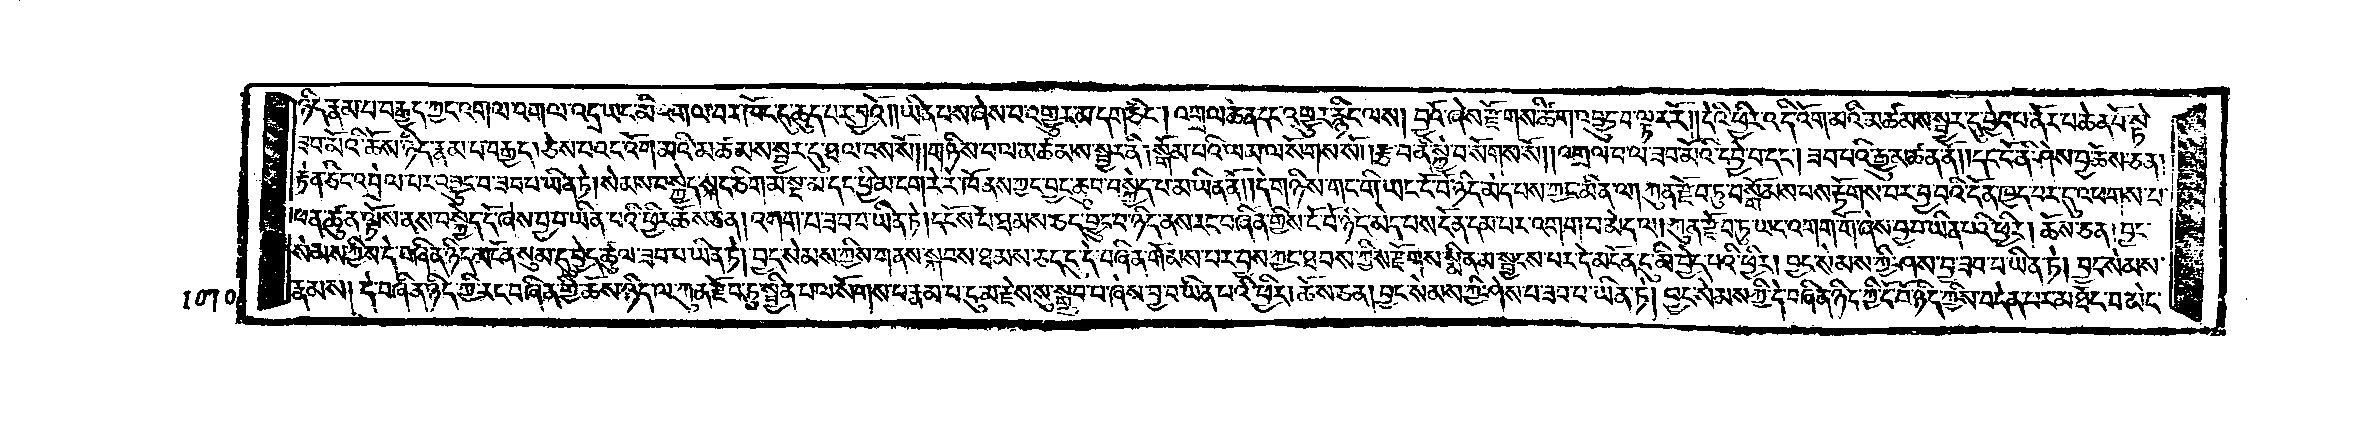ཉིད་རྣམ་པ་བརྒྱད་ཀྱང་འགལ་འགལ་འདྲ་ཡང་མི་འགལ་བར་ཁོང་དུ་ཆུད་པར་བྱའོ། །ཡིན་པས་ཞེས་པ་འགྱུར་མ་དག་ཅིང་། འགྲེལ་ཆེན་དང་འགྱུར་རྙིང་ལས། བྱའོ་ཞེས་རྫོགས་ཚིག་འབྱུང་བ་ལྟར་རོ། །དེའི་ཕྱིར་འདི་འོག་མའི་མཚམས་སྦྱར་དུ་བྱེད་པ་ནོར་པ་ཆེན་པོ་སྟེ་
ཟབ་མོའི་ཆོས་ཉིད་རྣམ་པ་བརྒྱད། ཅེས་པའང་འོག་མའི་མཚམས་སྦྱར་དུ་ཐལ་བས་སོ། །གཉིས་པ་ལ་མཚམས་སྦྱར་ནི། སྒོམ་པའི་ལམ་ལ་སོགས་སོ། །རྩ་བ་ནི་སྐྱེ་བ་སོགས་སོ། །འགྲེལ་བ་ལ་ཟབ་མོའི་དབྱེ་བ་དང་། ཟབ་པའི་རྒྱུ་མཚན་ནོ། །དང་པོ་ནི་ཤེས་བྱ་ཆོས་ཅན།
རྟེན་ཅིང་འབྲེལ་བར་འབྱུང་བ་ཟབ་པ་ཡིན་ཏེ། སེམས་བསྐྱེད་སྐད་ཅིག་མ་སྔ་མ་དང་ཕྱི་མ་ངག་རེ་རེ་ཁོ་ནས་ཀྱང་བྱང་ཆུབ་བསྐྱེད་པ་མ་ཡིན་ནོ། །དེ་གཉིས་གང་གི་ཡང་ངོ་བོ་ཉིད་མེད་པས་ཀྱང་མིན་ལ། ཀུན་རྫོབ་ཏུ་བསྒོམས་པས་རྟོགས་པར་བྱ་བའི་དོན་ཁྱད་པར་དུ་འཕགས་པ་
ཕན་ཚུན་ལྟོས་ནས་བསྐྱེད་དོ་ཞེས་བྱ་བ་ཡིན་པའི་ཕྱིར་ཆོས་ཅན། འགག་པ་ཟབ་པ་ཡིན་ཏེ། དངོས་པོ་ཐམས་ཅད་བྱུང་བ་ཉིད་ནས་རང་བཞིན་གྱིས་ངོ་བོ་ཉིད་མེད་པས་དོན་དམ་པར་འགག་པ་མེད་ལ། ཀུན་རྫོབ་ཏུ་ཡང་འགག་གོ་ཞེས་བྱ་བ་ཡིན་པའི་ཕྱིར། ཆོས་ཅན། བྱང་
སེམས་ཀྱི་དེ་བཞིན་ཉིད་མངོན་སུམ་དུ་བྱེད་ཚུལ་ཟབ་པ་ཡིན་ཏེ། བྱང་སེམས་ཀྱིས་གནས་སྐྦས་ཐམས་ཅད་དུ་དེ་བཞིན་གོམས་པར་བྱས་ཀྱང་ཐབས་ཀྱིས་རྫོགས་སྨིན་མ་སྦྱངས་པར་དེ་མངོན་དུ་མི་བྱེད་པའི་ཕྱིར། བྱང་སེམས་ཀྱི་ཤེས་བྱ་ཟབ་པ་ཡིན་ཏེ། བྱང་སེམས་
རྣམས། དེ་བཞིན་ཉིད་ཀྱི་རང་བཞིན་གྱི་ཆོས་ཉིད་ལ་ཀུན་རྫོབ་ཏུ་སྦྱིན་པ་ལ་སོགས་པ་རྣམ་པ་དུ་མ་རྗེས་སུ་སྒྲུབ་པ་ཞེས་བྱ་བ་ཡིན་པའི་ཕྱིར། ཆོས་ཅན། བྱང་སེམས་ཀྱི་ཤེས་པ་ཟབ་པ་ཡིན་ཏེ། བྱང་སེམས་ཀྱི་དེ་བཞིན་ཉིད་ཀྱི་ངོ་བོ་ཉིད་ཀྱིས་བདེན་པར་མཐོང་བ་མེ་